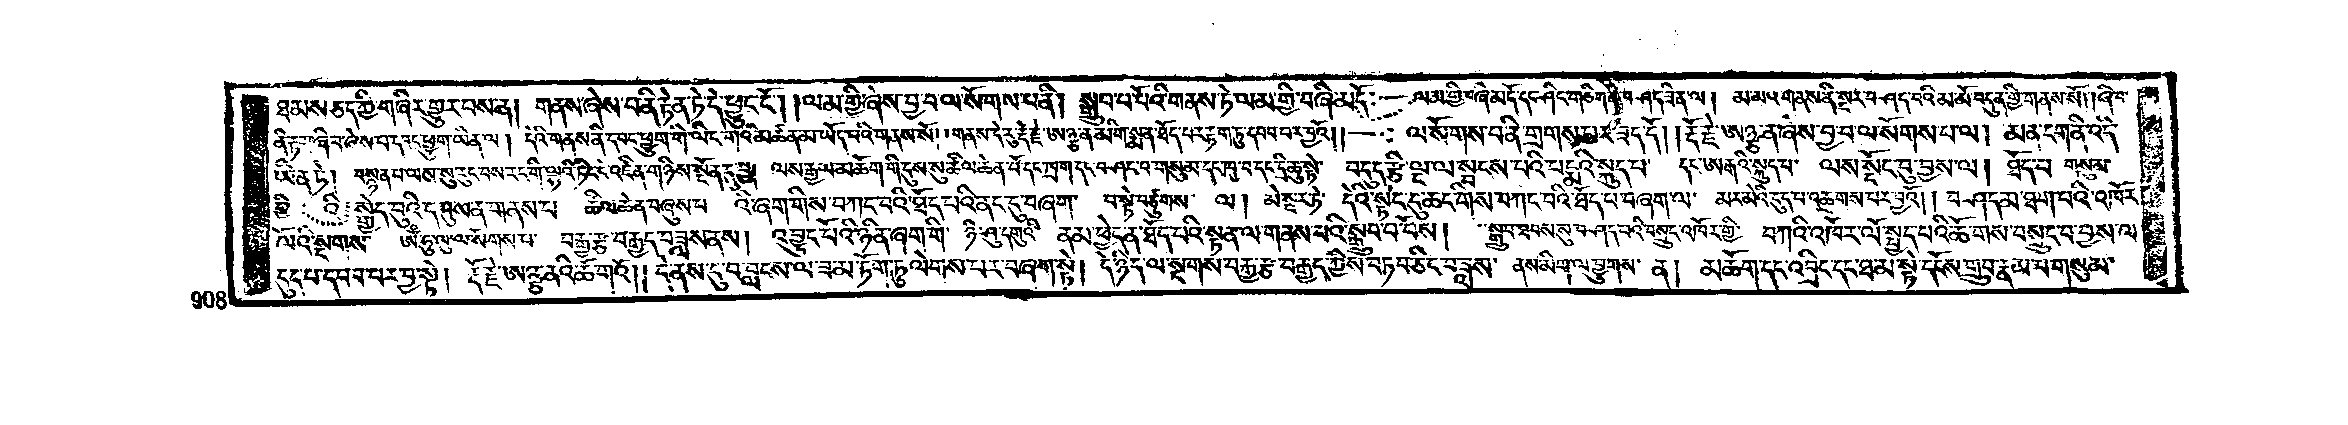ཐམས་ཅད་ཀྱི་གཞིར་གྱུར་པས་ན། གནས་ཞེས་པ་རྟེན་ཏེ་དེ་ཕྱུང་ངོ། །ལམ་གྱི་ཞེས་བྱ་བ་ལ་སོགས་པ་ནི། སྒྲུབ་པ་པོའི་གནས་ཏེ་ལམ་གྱི་བཞི་མདོ་H.ལམ་གྱི་བཞི་མདོ་དང་ཤིང་གཅིག་ནི་བཤད་ཟིན་ལ། མ་མོའི་གནས་ནི་སྔར་བཤད་པའི་མ་མོ་བདུན་གྱི་གནས་སོ། །ཞི་བ་
ནི་རྟག་ཞི་བ་ཞེས་པ་དབང་ཕྱུག་ཡིན་ལ། དེའི་གནས་ནི་དབང་ཕྱུག་གི་ལིང་གའི་མཚན་མ་ཡོད་པའི་གནས་སོ། །གནས་དེ་རུ་རྡོ་རྗེ་ཨཉྩ་ན་མིག་སྨན་ཐོད་པར་རྟག་ཏུ་དབབ་པར་བྱའོ། །ལ་སོགས་པ་ནི་གྲགས་པར་ཟད་དོ། །རྡོ་རྗེ་ཨཉྩ་ན་ཞེས་བྱ་བ་ལ་སོགས་པ་ལ། མན་ངག་ནི་འདི་
ཡིན་ཏེ། བསྙན་པ་ལས་སུ་རུང་བས་རང་གི་ལྷའི་ཏིང་ངེ་འཛིན་གཉིས་སྔོན་དུ་བྱ། ལས་རྒྱལ་མཆོག་གི་དུས་སུ་ཚིལ་ཆེན་པོ་དང་ཁྲག་དང་བཤང་བ་གསུམ་དང་ཁུ་བ་དང་དྲི་ཆུ་སྟེ།  བདུད་རྩི་ལྔ་ལ་སྤངས་པའི་པདམའི་སྐུད་པ་དང་ཨརྒའི་སྐུད་པ་ལས་སྡོང་བུ་བྱས་ལ། ཐོད་པ་གསུམ་
གྱི་འི་སྐྱེད་བུའི་དབུས་ན་གནས་པ་ཚིལ་ཆེན་བཞུས་པའི་ཞག་གིས་བཀང་བའི་ཐོད་པའི་ནང་དུ་བཞག་པ་སྟེ་བཙུགས་ལ། མེ་སྦར་ཏེ་དེའི་སྟེང་དུ་ཆང་གིས་བཀང་བའི་ཐོད་པ་བཞག་ལ། མར་མེའི་དུད་པ་འཆགས་པར་བྱའོ།  །བཤད་མ་ཐག་པའི་འཁོར་
ལོའི་སྔགས་ཨོཾ་ཧུ་ལུ་ལ་སོགས་པ་བརྒྱ་རྩ་བརྒྱད་བཟླས་ནས། འབྱུང་པོའི་ཉིན་ཞག་གི་ཉི་ཤུ་དགུའི་ནམ་ཕྱེད་ན་ཐོད་པའི་སྟན་ལ་གནས་པའི་སྒྲུབ་པ་པོས། སྒྲུབ་ཐབས་སུ་བཤད་པའི་བསྲུང་འཁོར་གྱི་བཀའི་འཁོར་ལོ་སྤྱད་པའི་ཆོ་གས་བསྲུང་བ་བྱས་ལ་
དུད་པ་དབབ་པར་བྱ་སྟེ། རྡོ་རྗེ་ཨཉྩ་ནའི་ཆོ་གའོ། །དེ་ནས་དུ་བ་བླངས་ལ་ཟ་མ་ཏོག་ཏུ་ལེགས་པར་བཞག་སྟེ། དེ་ཉིད་ལ་སྔགས་བརྒྱ་རྩ་བརྒྱད་ཀྱིས་བཏབ་ཅིང་བཟླས་ནས་མིག་ལ་བྱུགས་ན། མཆོག་དན་འབྲིང་དང་ཐ་མ་སྟེ་དངོས་གྲུབ་རྣམ་པ་གསུམ་